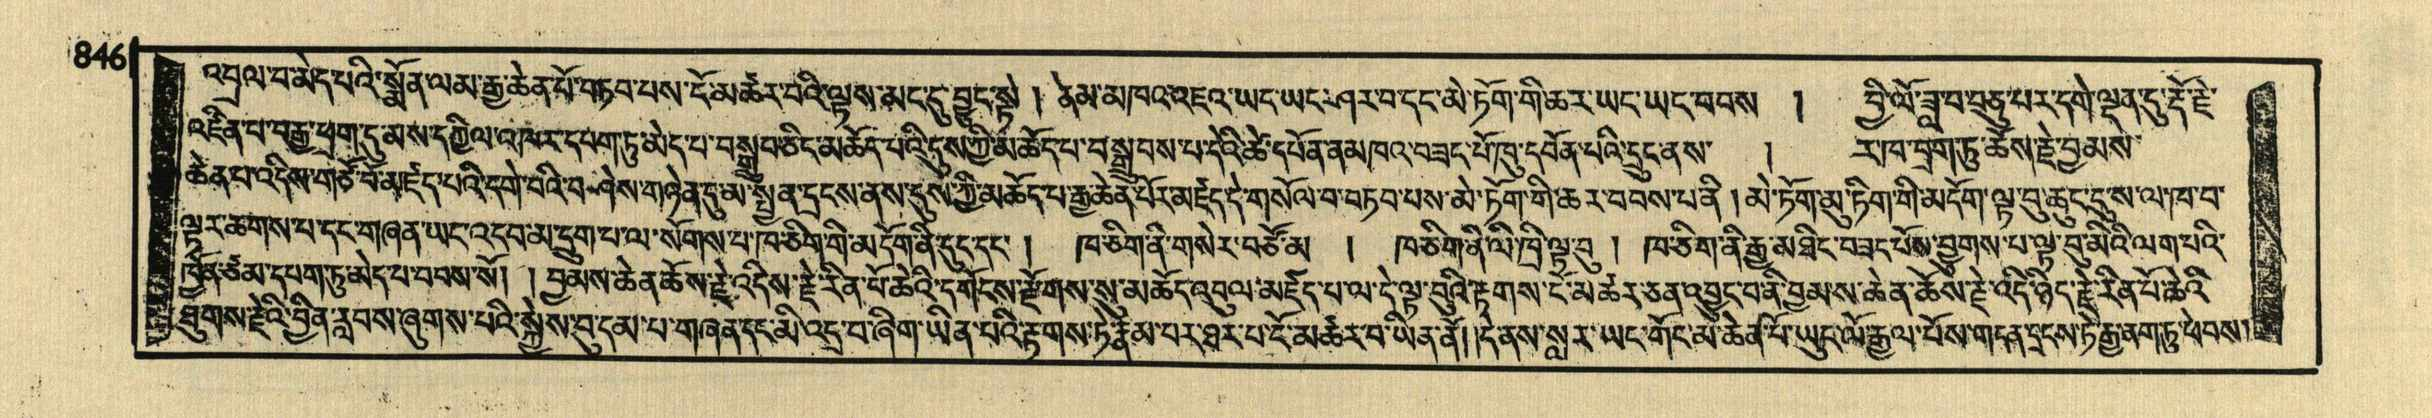འབྲལ་བ་མེད་པའི་སྨོན་ལམ་རྒྱ་ཆེན་པོ་བཏབ་པས་ངོ་མཚར་བའི་ལྟས་མང་དུ་བྱུང་སྟེ། ནམ་མཁའ་འཇའ་ཡང་ཡང་ཤར་བ་དང་མེ་ཏོག་གི་ཆར་ཡང་ཡང་བབས། བྱི་ལོ་ཟླ་བ་བཅུ་པར་དགེ་ལྡན་དུ་རྡོ་རྗེ་
འཛིན་པ་བརྒྱ་ཕྲག་དུ་མས་དཀྱིལ་འཁོར་དཔག་ཏུ་མེད་པ་བསྒྲུབ་ཅིང་མཆོད་པའི་དུས་ཀྱི་མཆོད་པ་བསྒྲུབས་པ་དེའི་ཚེ་དཔོན་ནམ་མཁའ་བཟང་པོ་ཁུ་དབོན་པའི་དྲུང་ནས། ར་ཁ་བྲག་ཏུ་ཆོས་རྗེ་བྱམས་
ཆེན་པ་འདིས་གཙོ་བོ་མཛད་པའི་དགེ་བའི་བཤེས་གཉེན་དུ་མ་སྤྱན་དྲངས་ནས་དུས་ཀྱི་མཆོད་པ་རྒྱ་ཆེན་པོར་མཛད་དེ་གསོལ་བ་བཏབ་པས་མེ་ཏོག་གི་ཆར་བབས་པ་ནི། མེ་ཏོག་མུ་ཏིག་གི་མདོག་ལྟ་བུ་ཆུང་དུ་ས་ལ་ཁ་བ་
ལྟར་ཆགས་པ་དང་གཞན་ཡང་འདབ་མ་དྲུག་པ་ལ་སོགས་པ་ཁ་ཅིག་གི་མདོག་ནི་དུང་དང་། ཁ་ཅིག་ནི་གསེར་བཙོ་མ། ཁ་ཅིག་ནི་མི་ཁྲི་ལྟ་བུ། ཁ་ཅིག་ནི་རྒྱ་མཐིང་བཟང་པོས་བྱུགས་པ་ལྟ་བུ་མིའི་ལག་པའི་
ཁྱོན་ཙམ་དཔག་ཏུ་མེད་པ་བབས་སོ། །བྱམས་ཆེན་ཆོས་རྗེ་འདིས་རྗེ་རིན་པོ་ཆེའི་དགོངས་རྫོགས་སུ་མཆོད་འབུལ་མཛད་པ་ལ་དེ་ལྟ་བུའི་རྟགས་ངོ་མཚར་ཅན་འབྱུང་བ་ནི་བྱམས་ཆེན་ཆོས་རྗེ་འདི་ཉིད་རྗེ་རིན་པོ་ཆེའི་
ཐུགས་རྗེའི་བྱིན་རླབས་ཞུགས་པའི་སྐྱེས་བུ་དམ་པ་གཞན་དང་མི་འདྲ་བ་ཞིག་ཡིན་པའི་རྟགས་ཏེ་རྣམ་པར་ཐར་པ་ངོ་མཚར་བ་ཡིན་ནོ། །དེ་ནས་སླར་ཡང་གོང་མ་ཆེན་པོ་ཡུང་རྒྱལ་པོས་གདན་དྲངས་ཏེ་རྒྱ་ནག་ཏུ་ཕེབས།